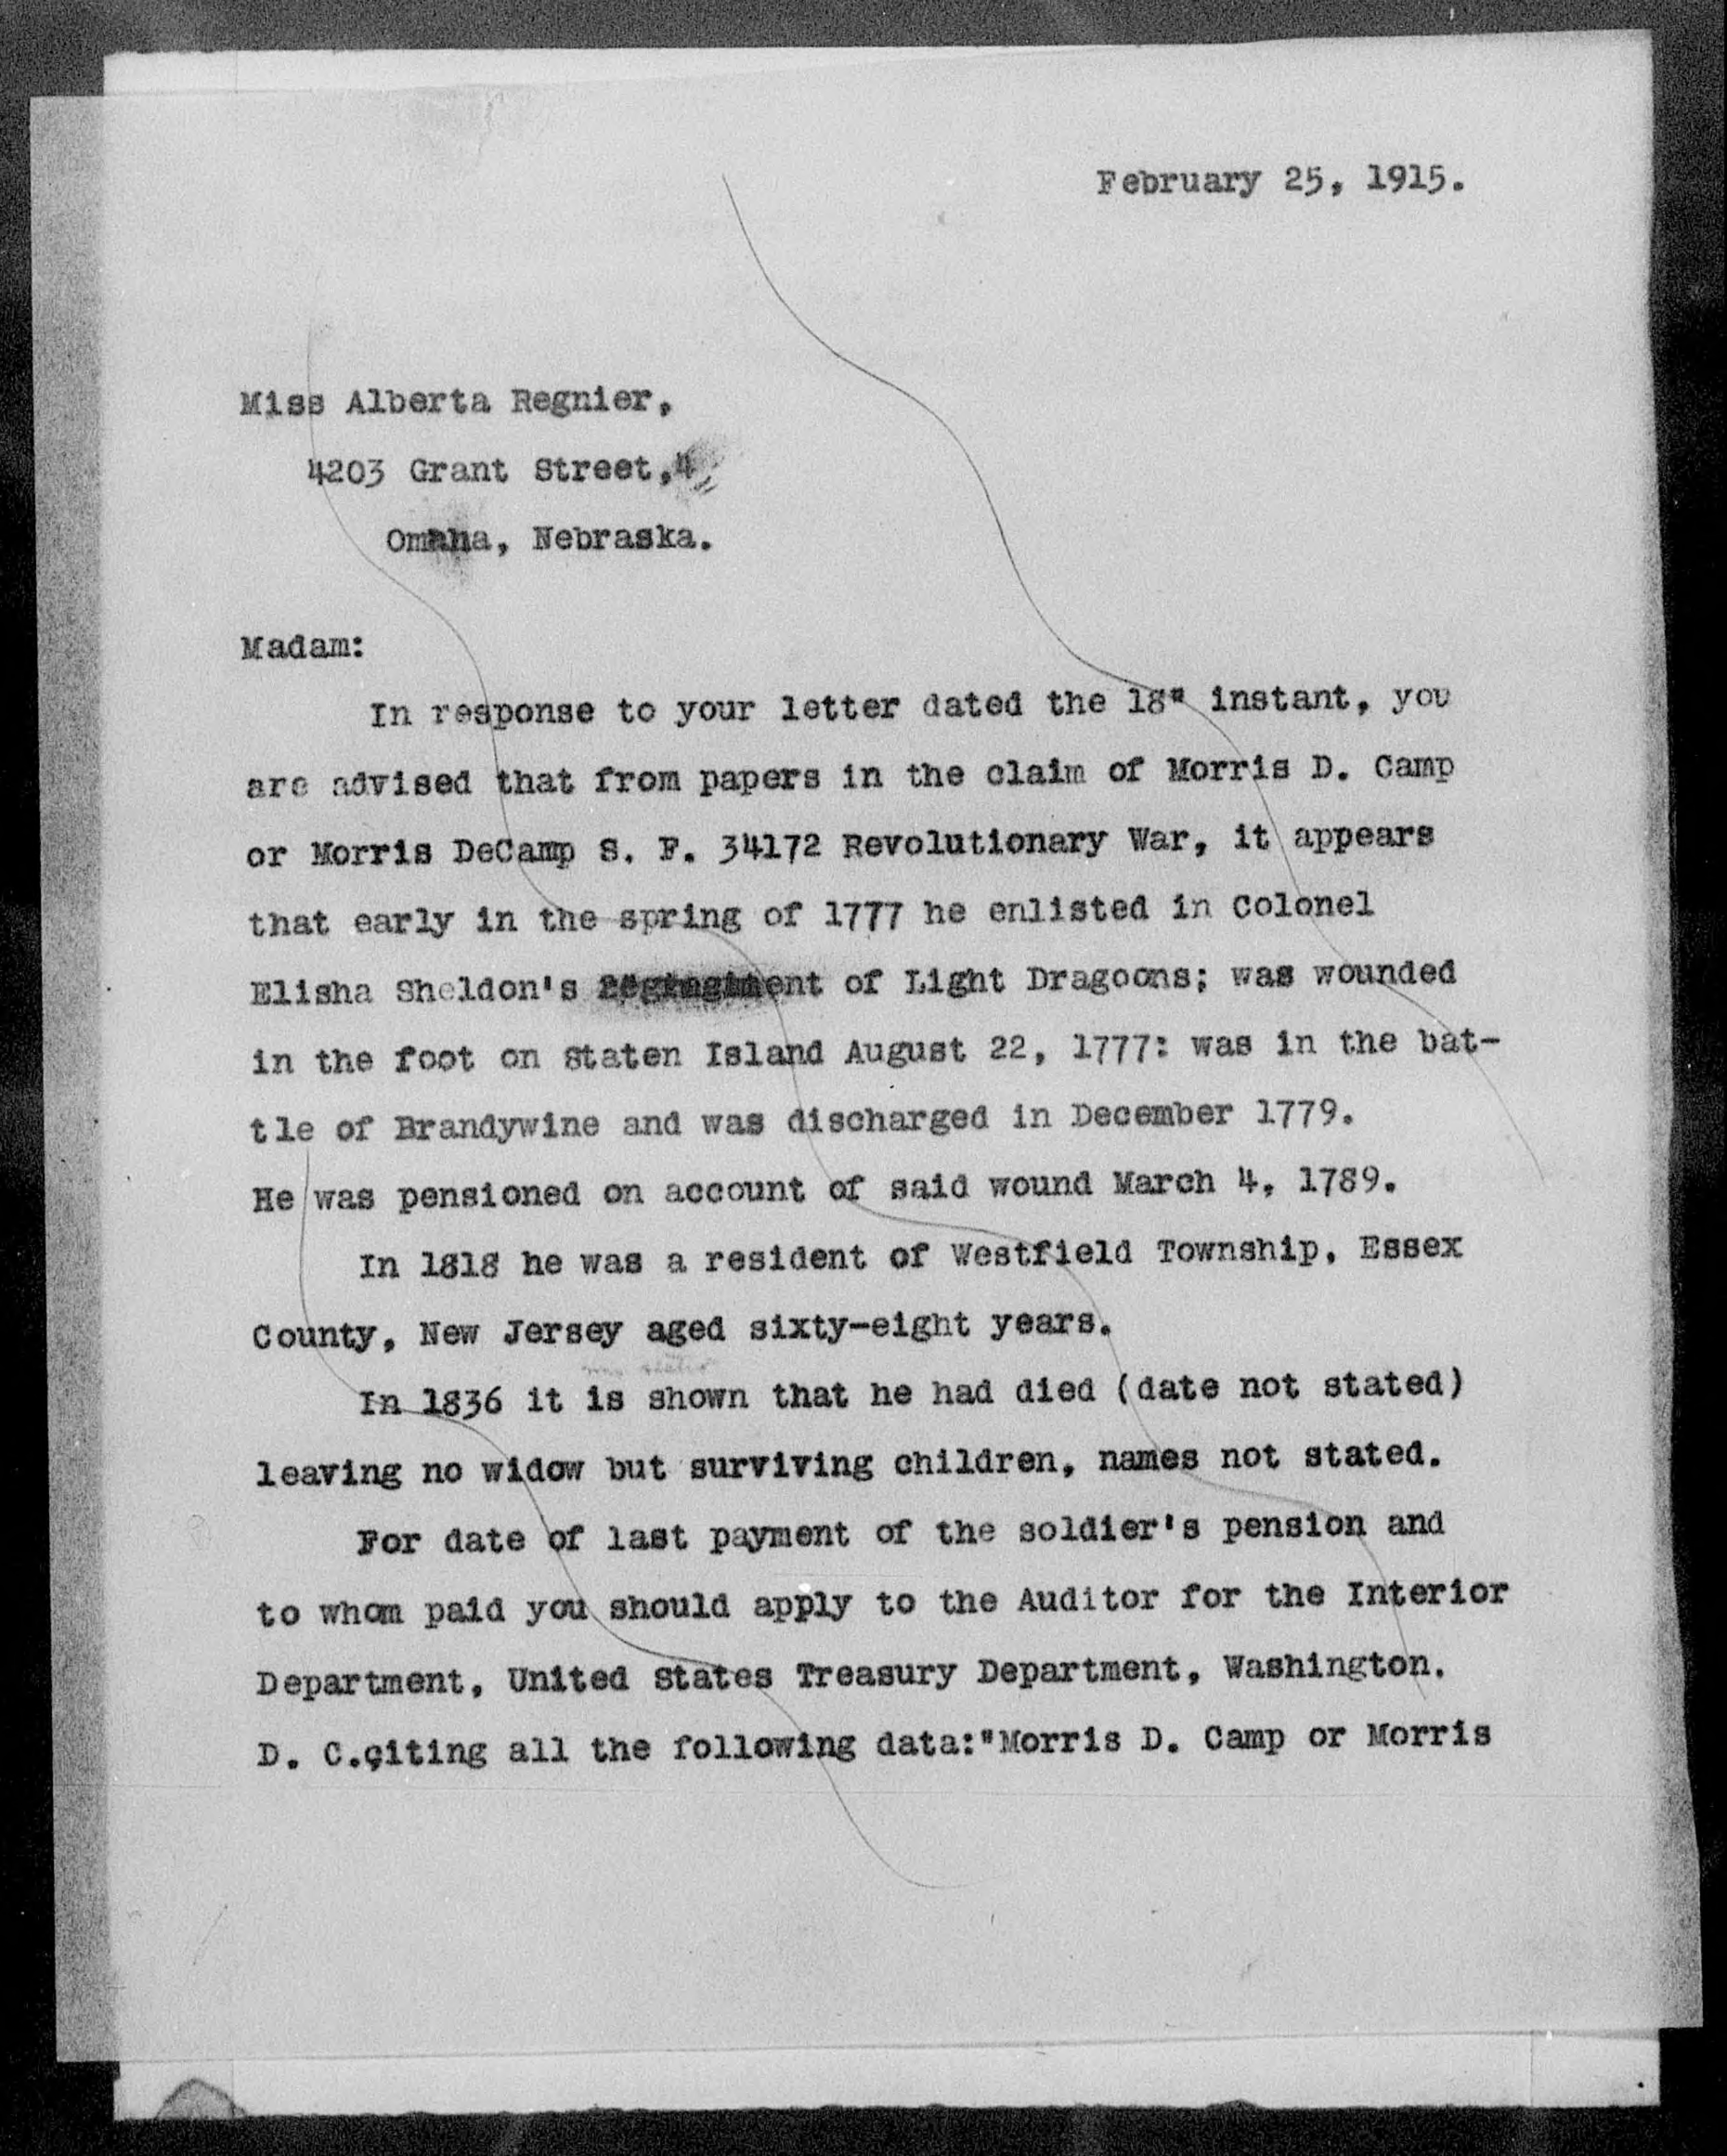February 25, 1915.
Miss Alberta Regnier,
4203 Grant Street,
Omaha, Nebraska.
Madam:

In response to your letter dated the 18th instant, you are advised that from papers in  the claim of Morris D. Camp or Morris Decamp S. F. 34172 Revolutionary War, it appears that early in the spring of 1777 he enlisted in Colonel Elisha Sheldon's Regiment of Light Dragoons; was wounded
in the foot on Staten Island August 22, 1777; was in the battle of Brandywine and was discharged in December 1779. He was pensioned on account of said wound March 4, 1789.
In 1818 he was a resident of Westfield Township, Essex
County, New Jersey aged sixty-eight years.
In 1836 it is shown that he had died (date not stated) leaving no widow but surviving children, names not stated.
For date of last payment of the soldier's pension and to whom paid you should apply to the Auditor for the Interior
Department, United States Treasury Department, Washington.
D. C. citing all the following data: Morris D. Camp or Morris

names: Morris, Alberta Regnier, Morris D Camp, Morris D Camp, Morris Decamp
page: 49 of 52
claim: survivor's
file: S. 34172, Morris D Camp, Continental (New Jersey)